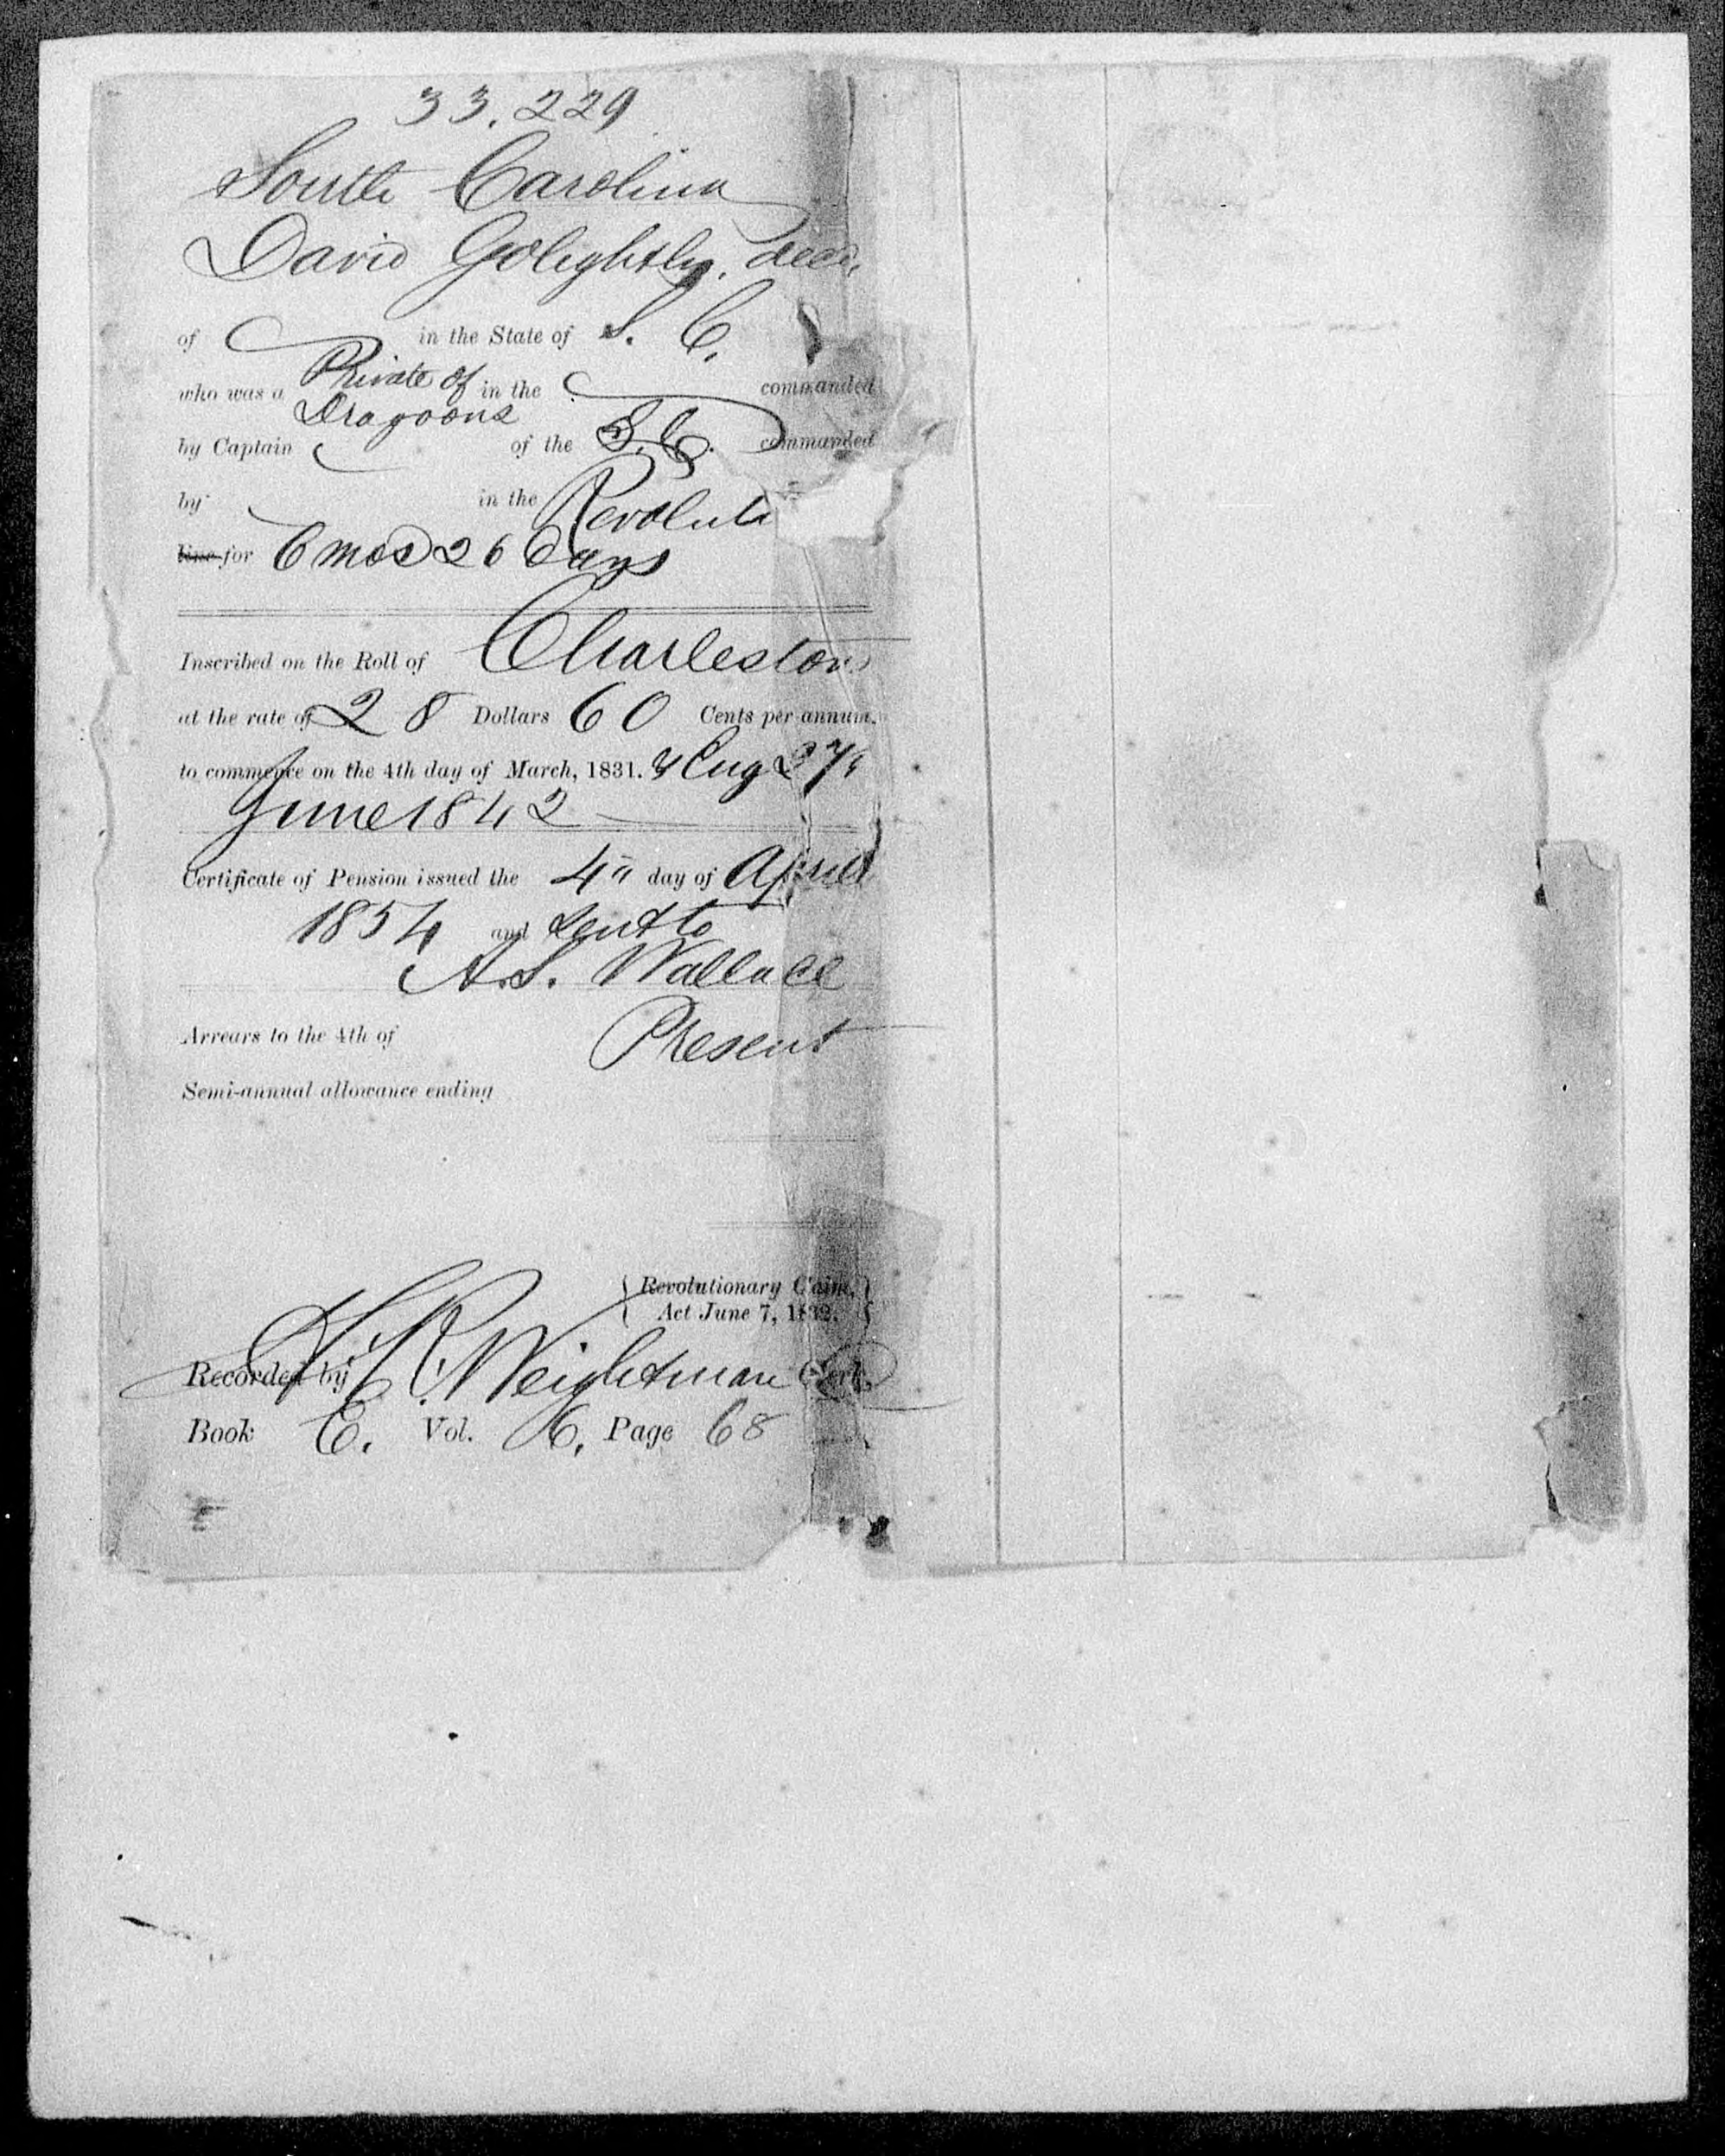33.229 

South Carolina 

David Golightly. decd of - in the State of S. C. who was a Private of Dragoons in the - commanded by Captain - of the S.C. commanded by – in the Revoluti for 6 mos 26 days 

Inscribed on the Roll of Charleston at the rate of 28 Dollars 60 cents per annum to commence on the 4th day of March, 1831 Eug 27 June 1842 

Certificate of Pension issued the 4” day of April 1854 and sent to A. S. Wallace 

Arrears to the 4th of Present 

Semi-annual allowance ending  

{Revolutionary Claim Act June 7, 1832.} 

Recorded by H. R. Weightman Clerk 

Book E. Vol. 6. Page 68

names: H R Weightman, A S Wallace, David Golightly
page: 2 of 57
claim: survivor's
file: S. 18888, David Golightly, S.C.